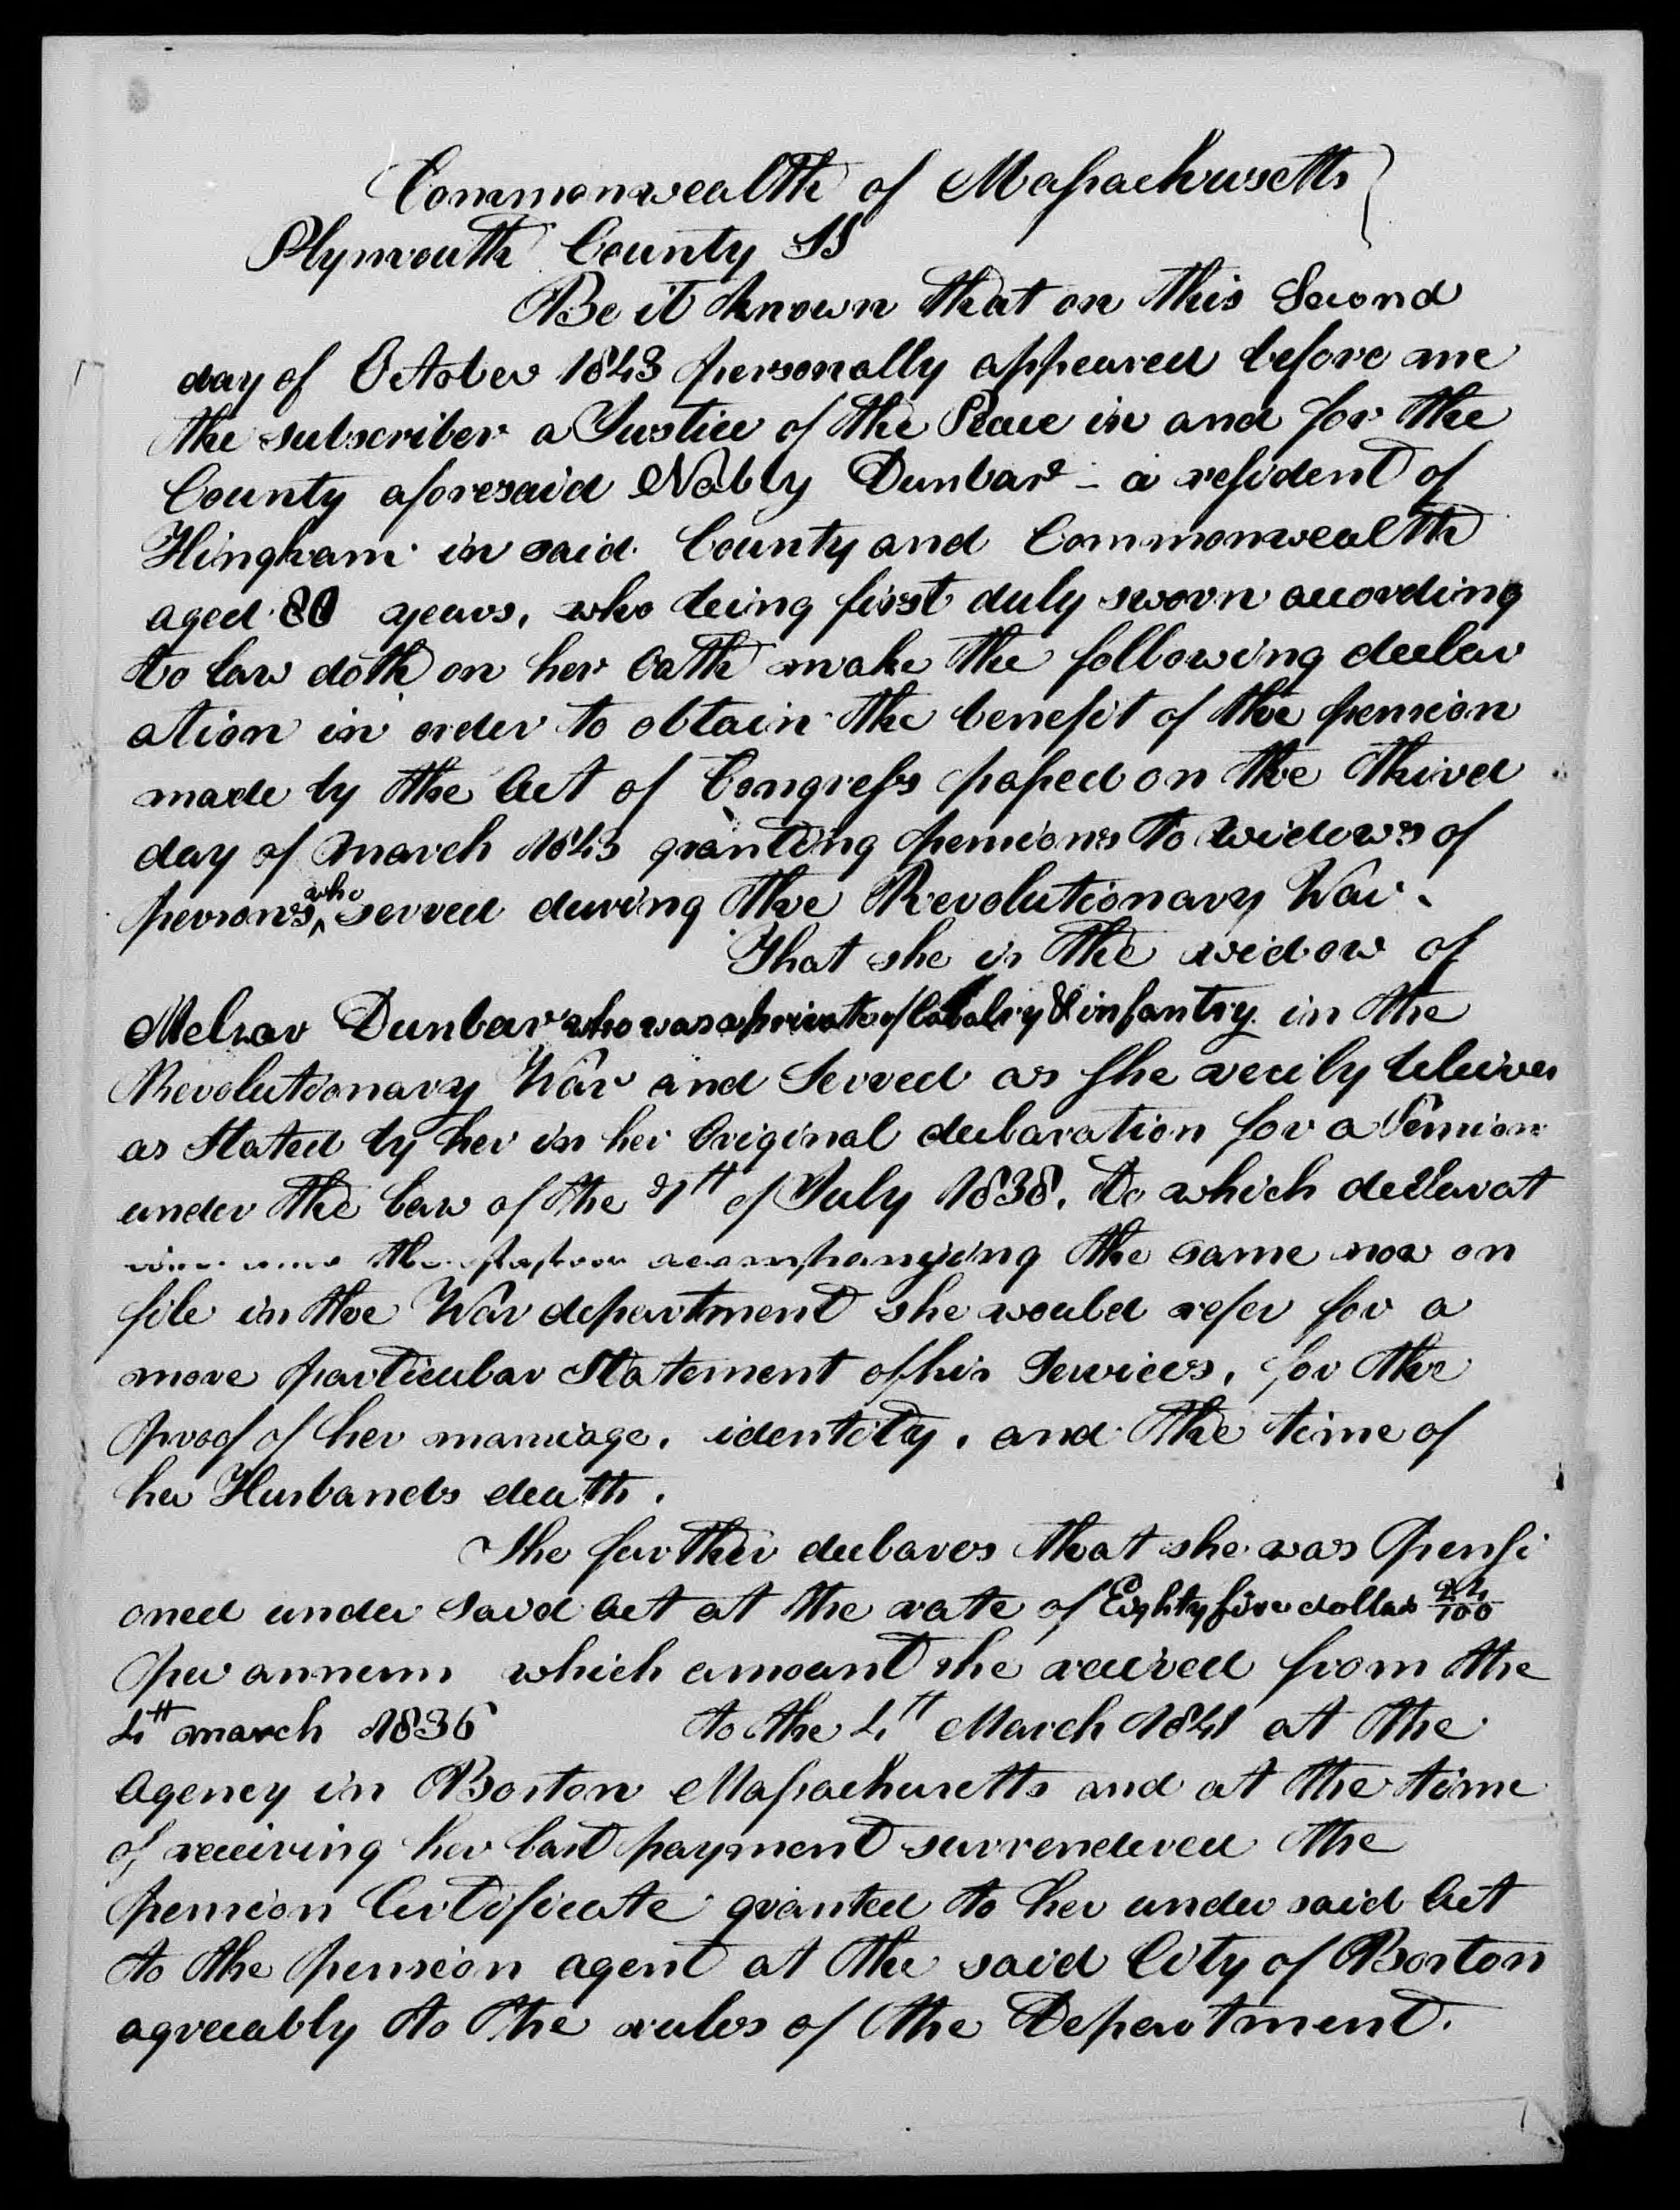Commonwealth of Massachusetts
Plymouth County ss.

Be it known that on this second day of October 1843 personally appeared before me the subscriber a Justice of the Peace in and for the County aforesaid Nabby Dunbar - a  resident of Hingham in said County and Commonwealth of Massachusetts aged 80 years, who being first duly sworn according to law doth on her oath make the following declaration in order to obtain the benefit of the pension made by the Act of Congress passed on the third day of March 1843 granting pensions to widows of pensioners who served during the Revolutionary War.
That she is the widow of Melzar Dunbar who was  a private of Col. Bailey's infantry in the Revolutionary War and serves as she verily believes as stated by her in her original declaration for a Pension under the law of the 7th of July 1838.  to which declarant (fold) accompanying the same now on file in the War Department she would refer for a more particular statement of his services, for the proof of her marriage, identity, and the time of her husband's death.
She further declares that she was pensioned under said act at the rate of Eighty five dollars 24 cents per annum, which amount she received from the 4th March 1836 to the 4th March 1841 at the agency in Boston, Massachusetts and at the time of receiving her last payment surrendered the pension certificate granted to her under said act to the pension agent at the said City of Boston agreeably to the orders of the Department.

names: Nabby Dunbar, Melzar Dunbar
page: 17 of 26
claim: widow's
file: W. 14657, Melzar Dunbar, Mass.